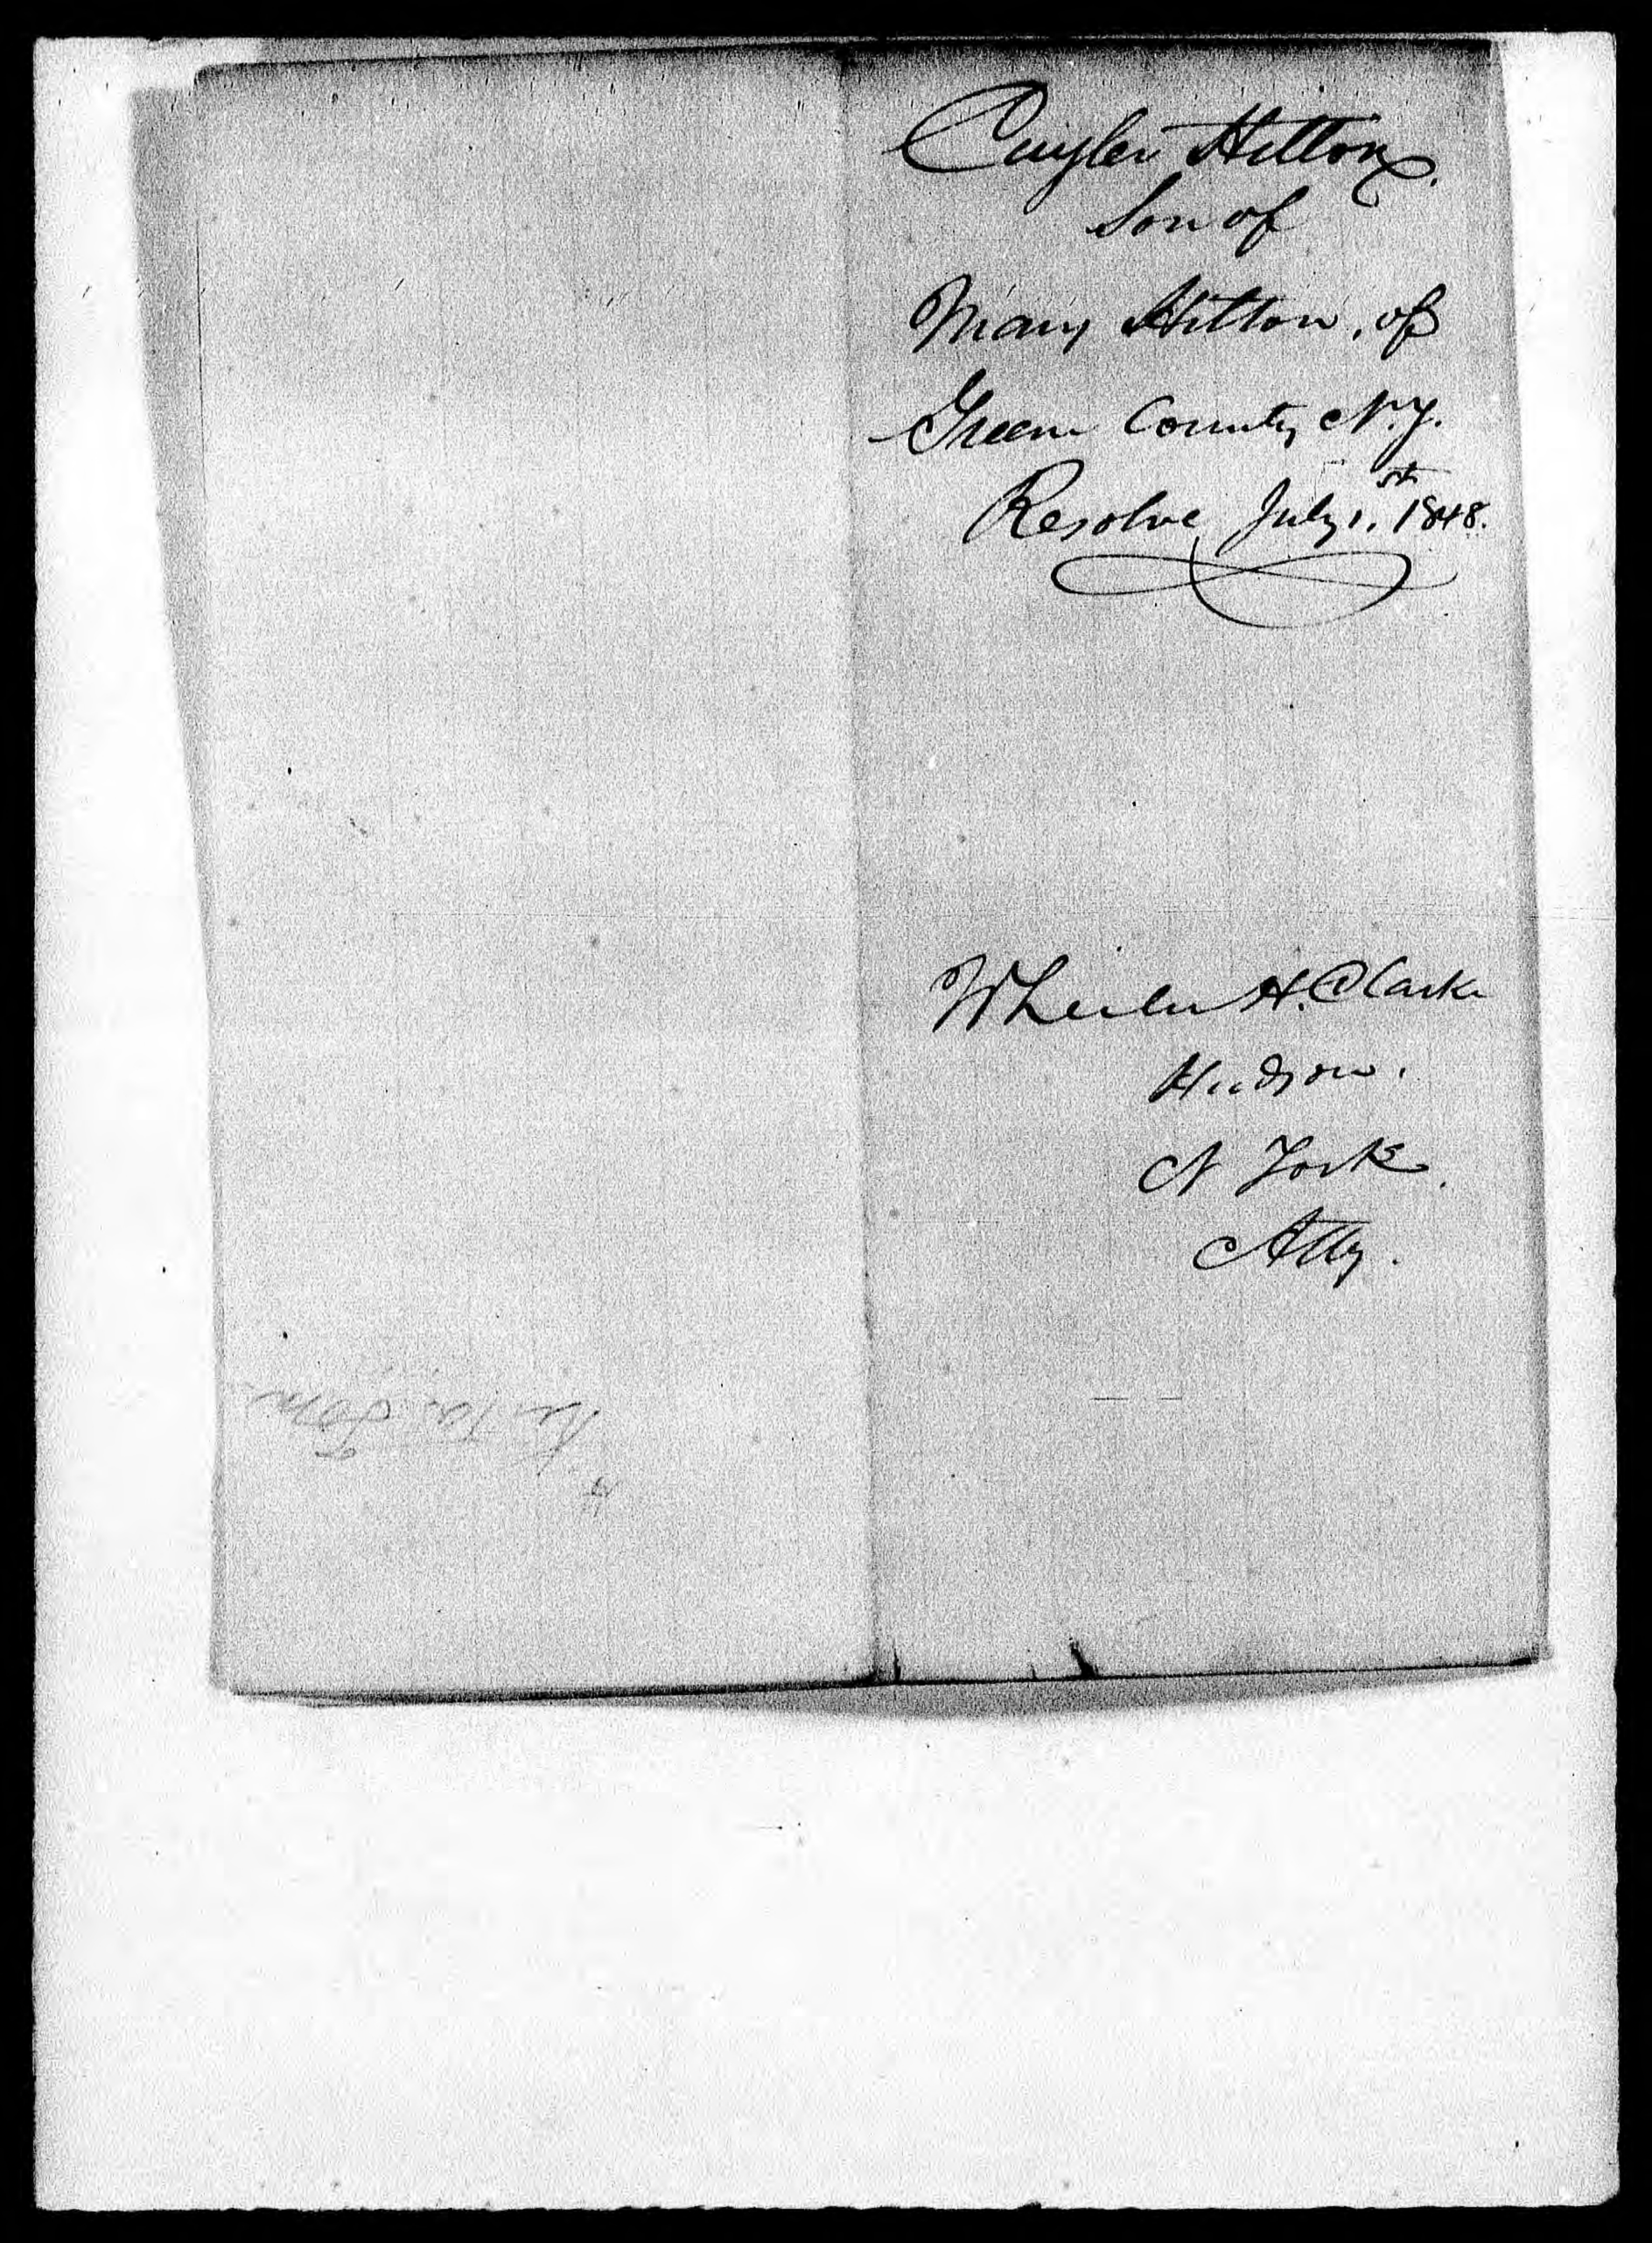Cuyler Hilton
son of
Mary Hilton of
Greene County, N.Y
Resolve July 1, 1848.

Wheeler H. Clarke
{illegible}
N. York
Atty.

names: Cuyler Hilton, Mary Hilton, Wheeler H Clarke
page: 11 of 48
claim: widow's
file: W. 19788, Jacob W Hilton, New York